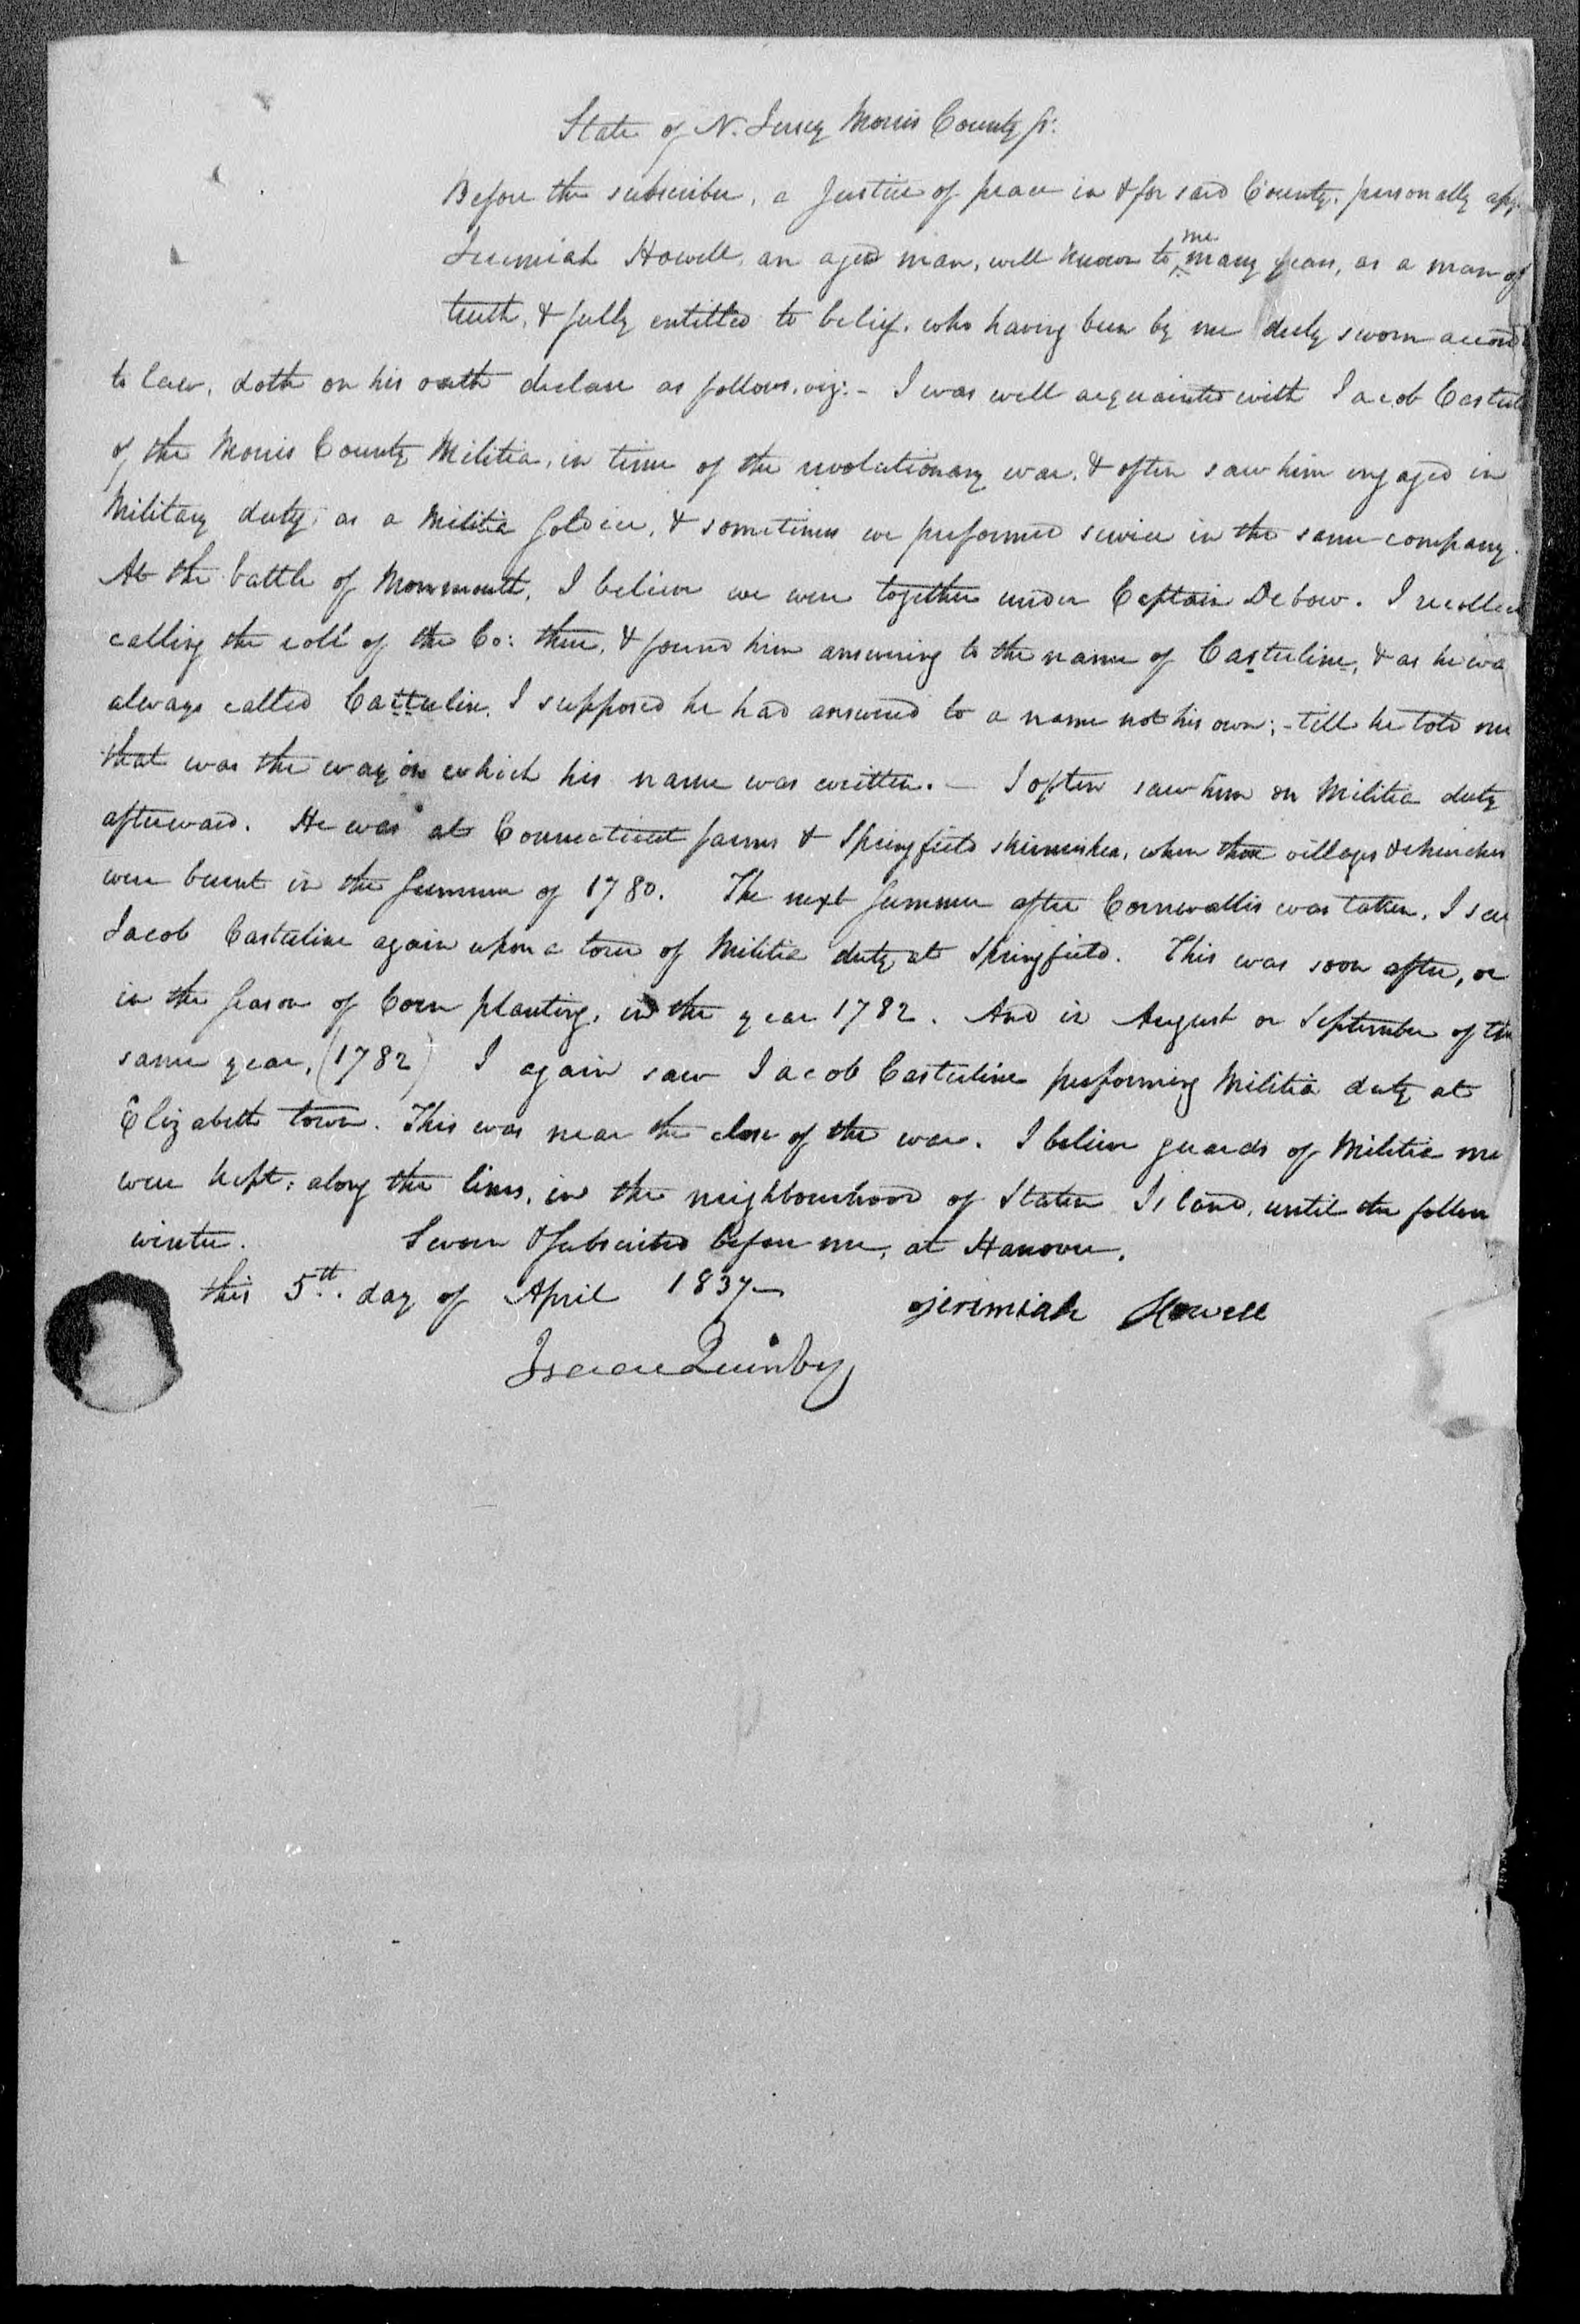State of N. Jersey Morris County
Before the subscriber, a justice of peace in the forsaid County, personally appeared Jeremiah Howell, an aged man, well known to me many years, as a man of truth and fully entitled to belief, who having been by me duly sworn according to law, doth on his oath declare as follows. viz:  I was well acquainted with Jacob Casterline of the Morris County militia in time of the revolutionary war.  I often saw him engaged in military duty as a militia police, and sometimes we performed service in the same company.  At the battle of Monmouth, I believe we were together under Captain Debow.  I recalled calling the roll of the Co. there and found him answering to the name of Casterline and as he was always called Catterline I supposed he had answered to a name not his own; still he told me that was the way in which his name was written.  I often saw him on militia duty afterward.  He was at Connecticut Farms and Springfield skirmishes when the villages and churches were burn in the summer of 1780.  The next summer after Cornwallis was taken, I saw Jacob Casterline again when a tour of militia duty at Springfield.  This was soon after, or in the season of corn planting in the year 1782. And in August or September of the same year (1782) I again saw Jacob Casterline performing militia duty at Elizabethtown.  This was near the close of the war.  I believe guards of militia men were kept along the lines in the neighborhood of Staten Island until the following winter.   Sworn and fabricated before me at Hanover this 5th day of April 1837
Jeremiah Howell
Isaac Quimby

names: Casterlin, Isaac Quinby, Jacob Casten, Jacob Casterline, Debow, Jeremiah Howell, Casterline, Mary, Jeremiah Howell, Jacob Casterline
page: 19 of 38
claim: widow's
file: W. 6644, Jacob Casterline, New Jersey